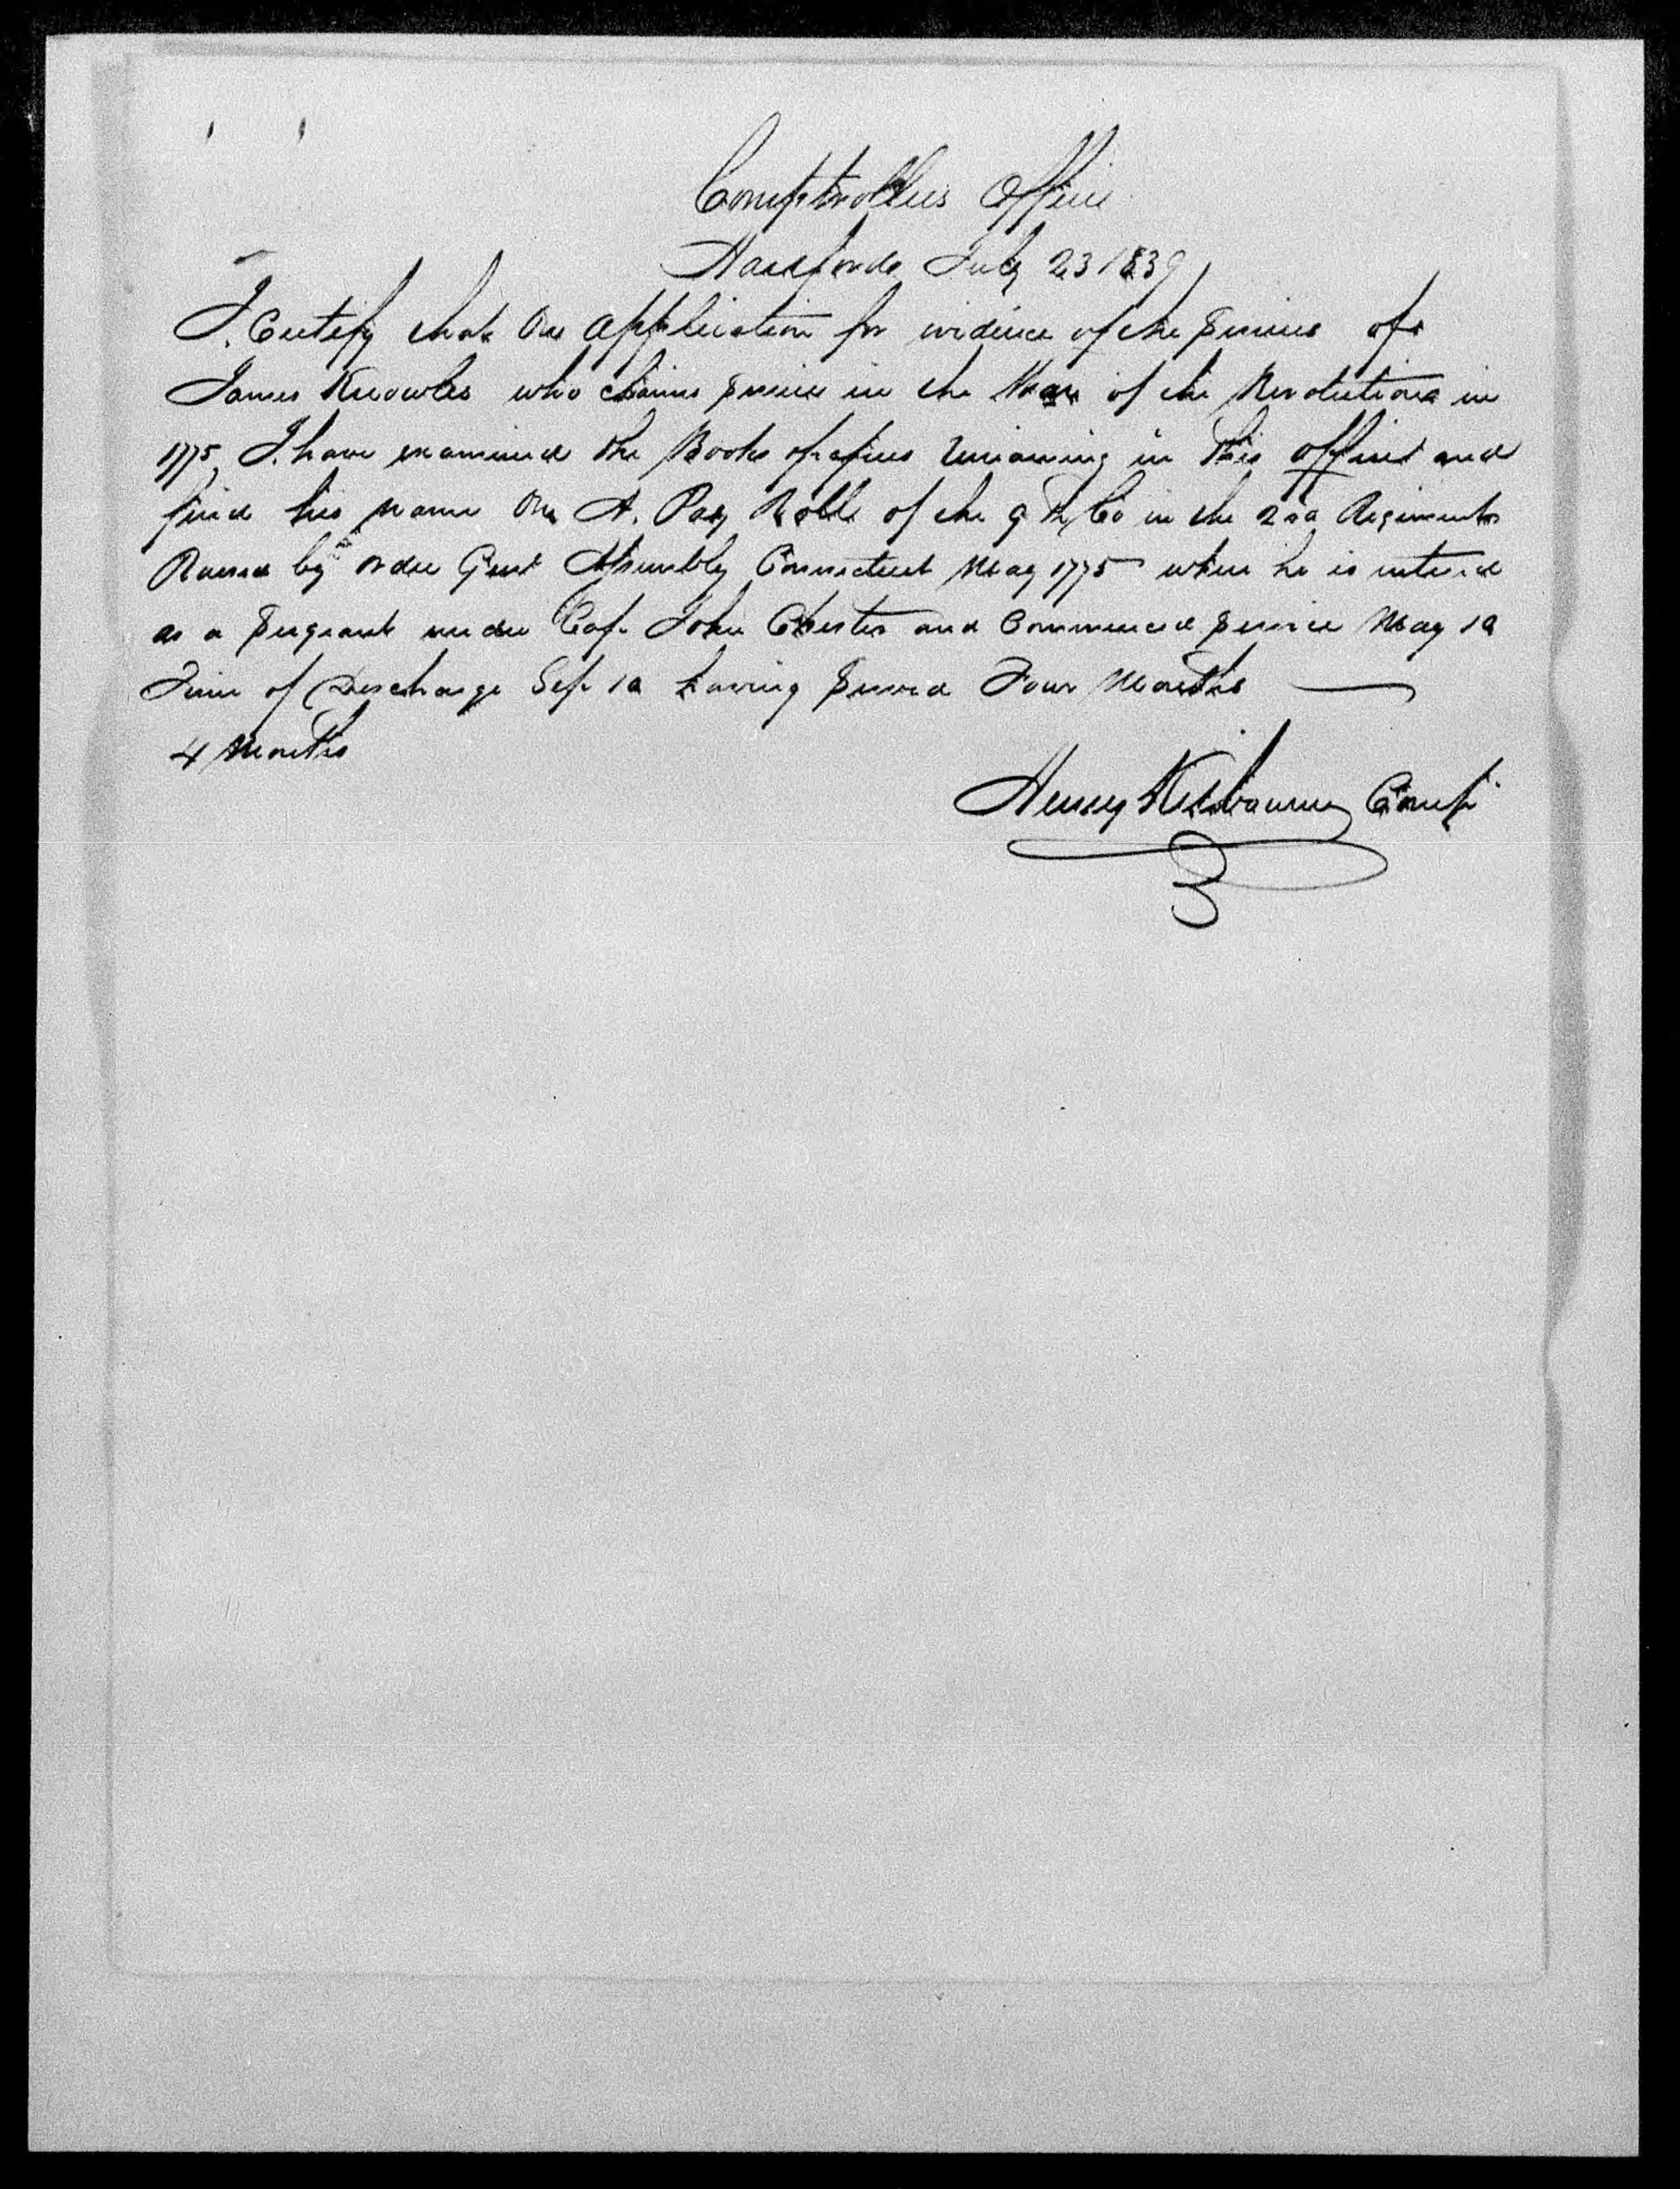Comptrollers Office
Harteforde  July 23 1839

I certify that an application for evidence of the Service of James Knowles who claims service in the War of the Revolution in 1775 I have examined the Books of of officers remaining in this 
office and find his name on A. Pay Roll of the 9th Co in the 2nd Regiment Raised by order Genl Hawbly Connecticut May 1775 where he is entered as a Sergeant under Col. John Chester and Commenced Service May 18 ............of discharge Sep 10 having served Four months--4 .......

Henry Wilbourne   Comsr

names: Henry Wilbourne; James Knowles; John Chester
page: 11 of 60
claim: widow's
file: W. 14,036, for James Knowles, Connecticut